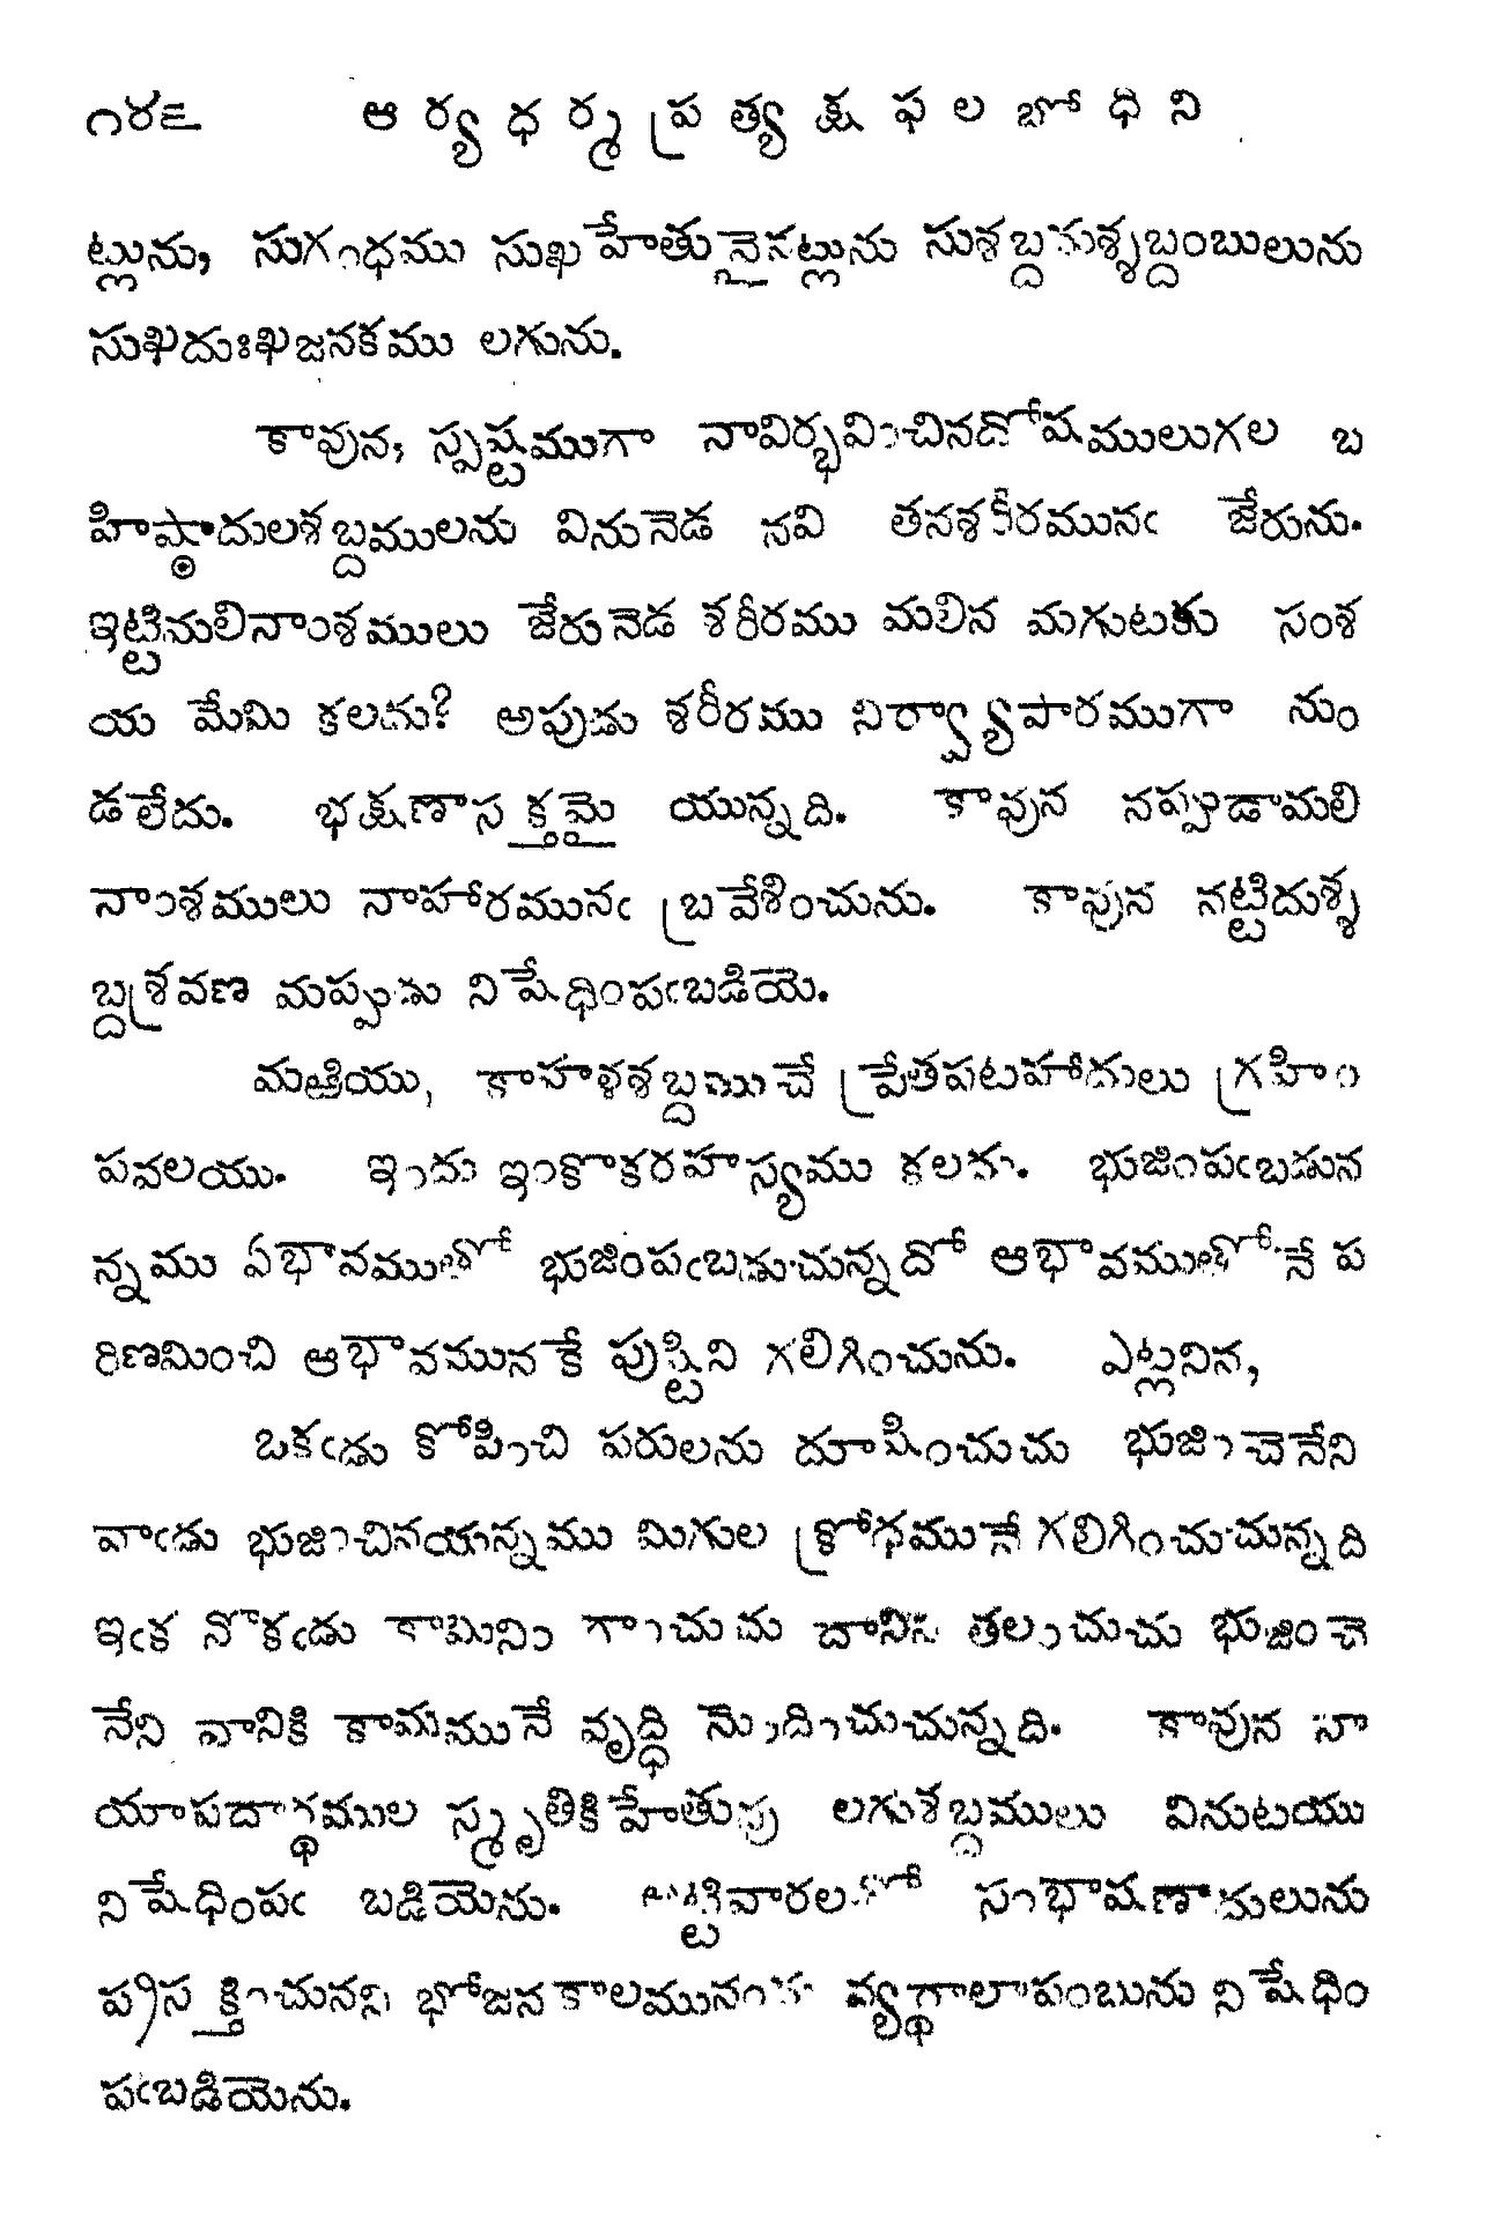ట్లును, సుగంధము సుఖహేతువైనట్లును సుశబ్దమశ్శబ్దంబులును సుఖదుఃఖజనకము లగును.

కావున, స్పష్టముగా నావిర్భవించినదోషములుగల బహిష్ఠాదులశబ్దములను వినునెడ నవి తనశరీరమునఁ జేరును. ఇట్టిమలినాంశములు జేరునెడ శరీరము మలిన మగుటకు సంశయ మేమి కలదు? అపుడు శరీరము నిర్వ్యాపారముగా నుండలేదు. భక్షణాసక్తమై యున్నది. కావున నప్పుడామలినాంశములు నాహారమునఁ బ్రవేశించును. కావున నట్టిదుశ్శబ్దశ్రవణ మప్పుడు నిషేధింపఁబడియె.

మఱియు, కాహళశబ్దముచే ప్రేతపటహాదులు గ్రహింపవలయు. ఇందు ఇంకొకరహస్యము కలదు. భుజింపఁబడునన్నము ఏభావముతో భుజింపఁబడుచున్నదో ఆభావముతోనే పరిణమించి ఆభావమునకే పుష్టిని గలిగించును. ఎట్లనిన,

ఒకఁడు కోపించి పరులను దూషించుచు భుజించెనేని వాఁడు భుజించినయన్నము మిగుల క్రోధమునే గలిగించుచున్నది ఇఁక నొకఁడు కామినిం గాంచుచు దానిని తలంచుచు భుజించే నేని వానికి కామమునే వృద్ధి నొందించుచున్నది. కావున నాయాపదార్థముల స్మృతికి హేతువు లగుశబ్దములు వినుటయు నిషేధింపఁ బడియెను. అట్టివారలతో సంభాషణాదులును ప్రసక్తించునని భోజనకాలమునందు వ్యర్థాలాపంబును నిషేధింపఁబడియెను.